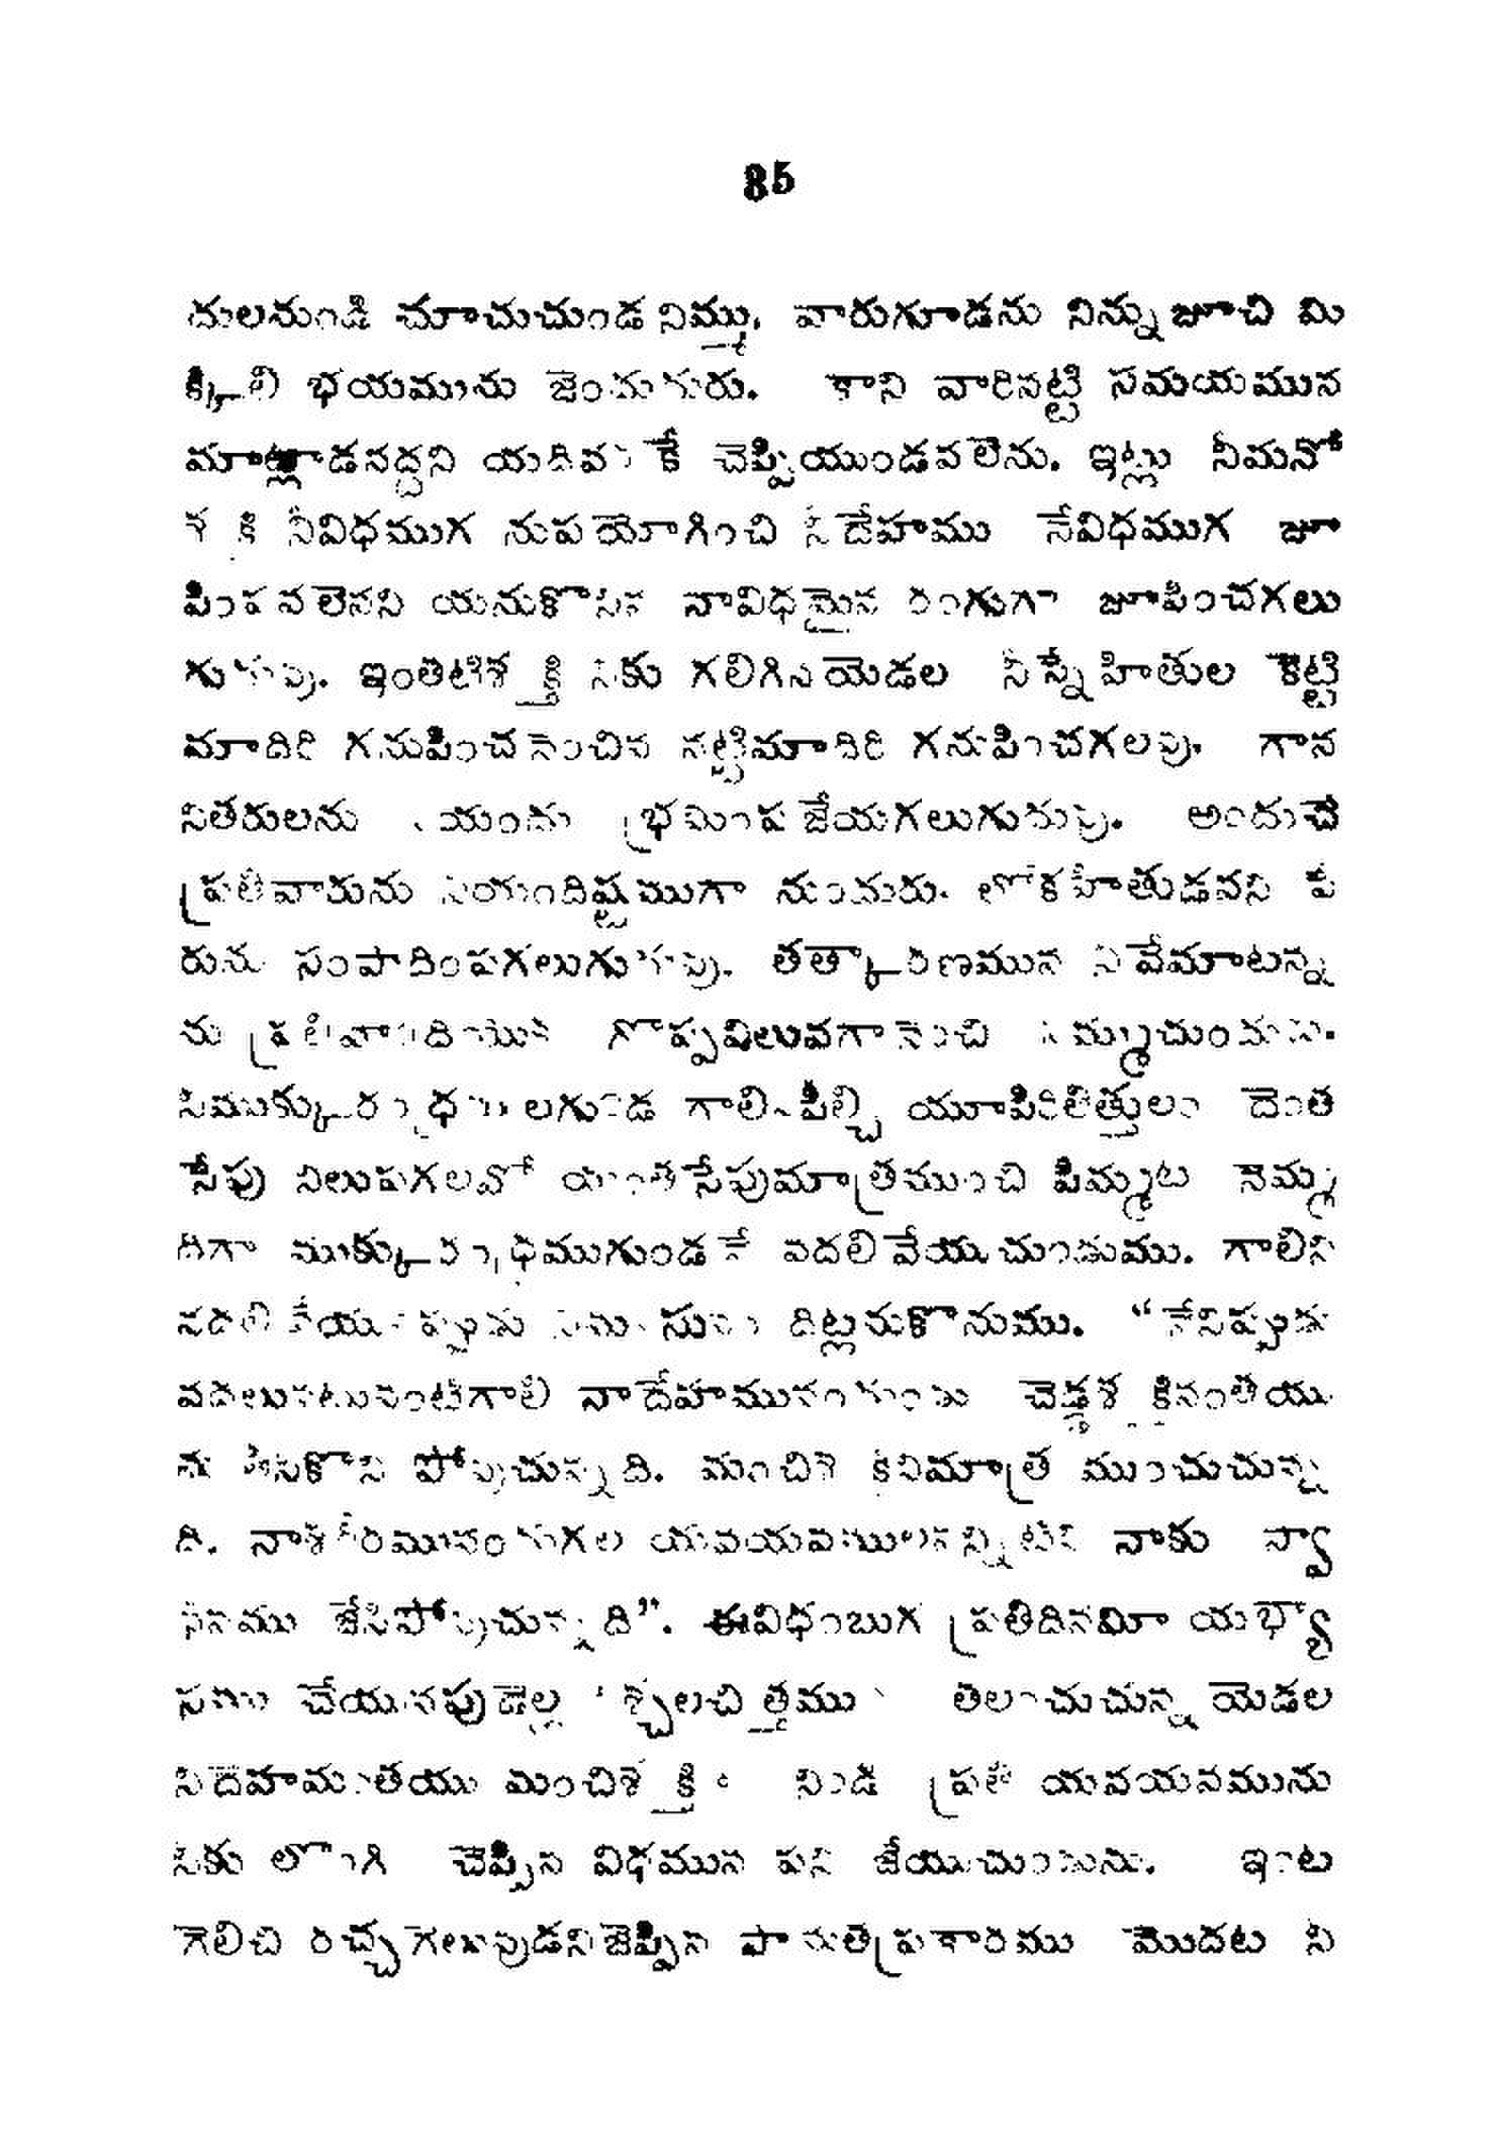దులనుండి చూచుచుండనిమ్ము. వారుగూడను నిన్నుజూచి మిక్కిలి భయమును జెందుదురు.
కాని వారినట్టి సమయమున మాట్లాడవద్దని యదివరకే చెప్పియుండవలెను. ఇట్లు నీమనోశక్తి నీవిధముగ నుపయోగించి నీదేహము నేవిధముగ జూపింపవలెనని యనుకొనిన నావిధమైన రంగుగా జూపించగలుదువు. ఇంతటిశక్తి నీకు గలిగినయెడల నీస్నేహితుల కెట్టి మాదిరి గనుపించ నెంచిన నట్టిమాదిరి గనుపించగలవు. గాన నితరులను యందు భ్రమింపజేయగలుదువు. అందుచే
ప్రతివారును నీయందిష్టముగా నుందురు. లోకహితుడవని పేరును సంపాదింపగలుగుదువు. తత్కారణమున నీవేమాటన్నను ప్రతివారదియొక గొప్పవిలువగానెంచి నమ్ముచుందురు.
నీముక్కురంధ్రములగుండ గాలినిపీల్చి యూపిరితిత్తులం దెంతసేపు నిలుపగలవో యంతసేపుమాత్రముంచి పిమ్మట నెమ్మదిగా ముక్కురంధ్రముగుండనే వదలివేయుచుండుము. గాలిని వదలివేయునప్పుడు నీమనసునం దిట్లనుకొనుము. "నేనిప్పుడు వదులునటువంటిగాలి నాదేహమునందుండు చెడ్డశక్తినంతయును తీసుకొని పోపుచున్నది. మంచిశక్తినిమాత్ర ముంచుచున్నది. నాశరీరమునందుగల యవయవములన్నిటిని నాకు స్వాధీనము జేసిపోవుచున్నది". ఈవిధంబుగ ప్రతిదినమీ యభ్యాసము చేయునపుడెల్ల నిశ్చలచిత్తము తలుచుచున్న యెడల
నీదేహమంతయు మంచిశక్తితో నిండి ప్రతి యవయవమును నీకు లొంగి చెప్పిన విధమున పని జేయుచుండును. ఇంట గెలిచి రచ్చగెలువుడనిజెప్పిన సామతప్రకారము మొదట నీ